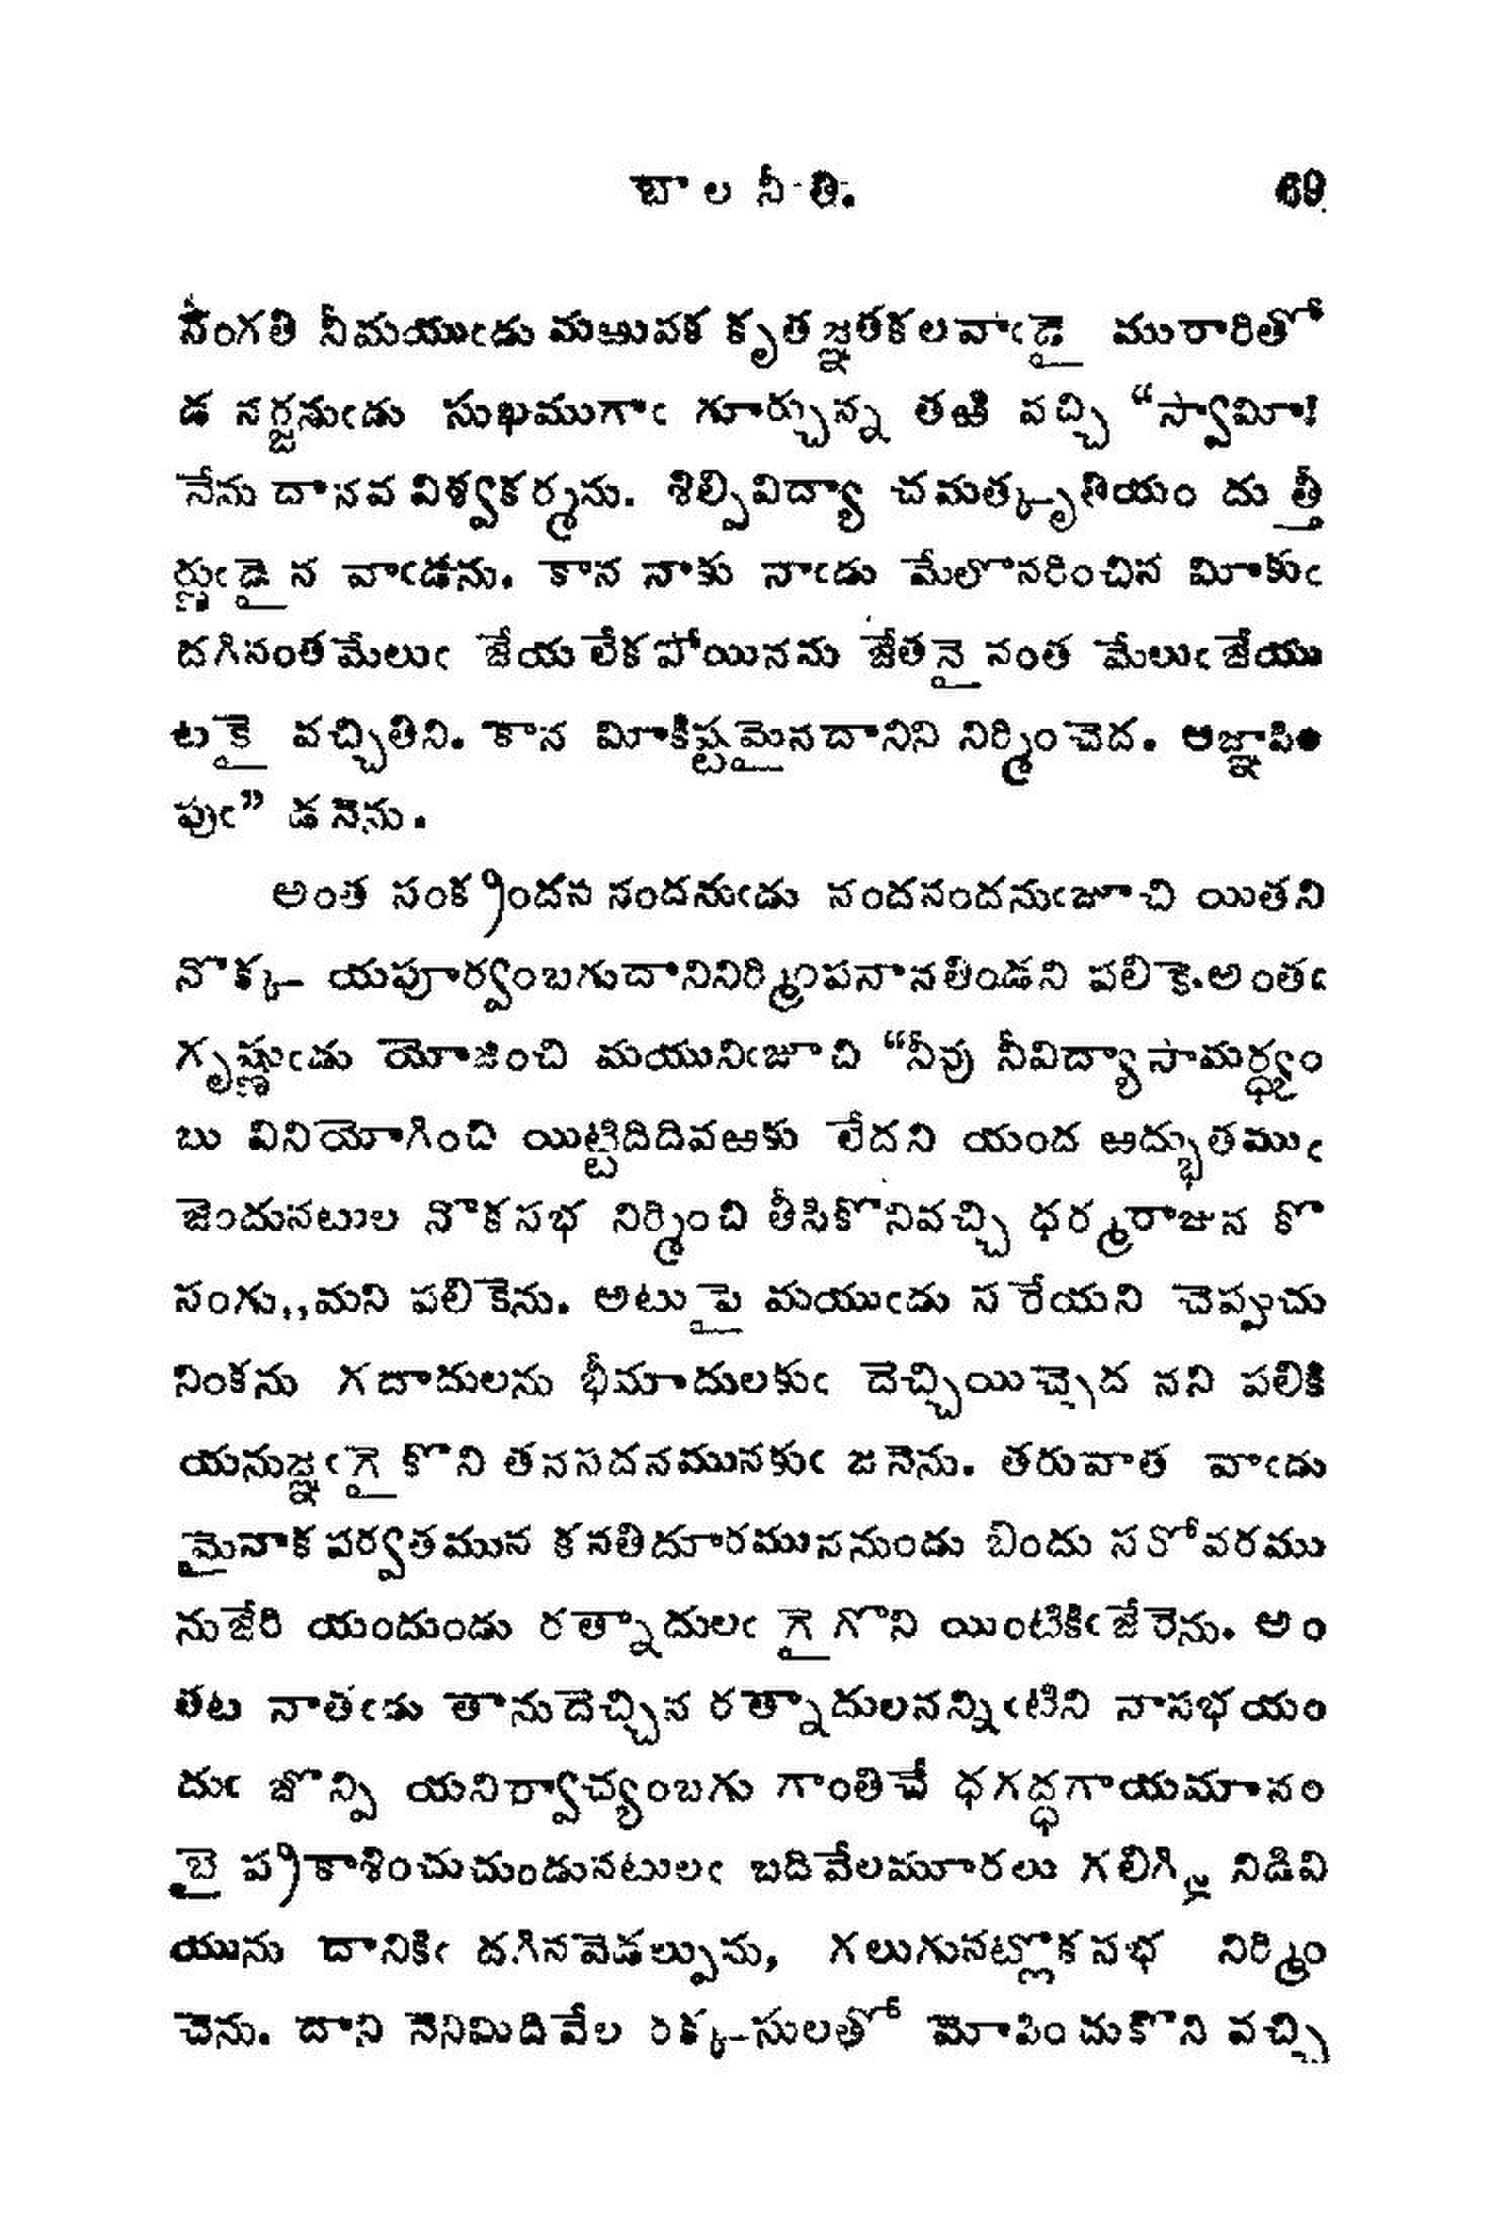సంగతి నీమయుఁడు మఱువక కృతజ్ఞతకలవాఁడై మురారితో
డ నర్జనుఁడు సుఖముగాఁ గూర్చున్న తఱి వచ్చి "స్వామీ! 
నేను దానవ విశ్వకర్మను. శిల్పివిద్యా చమత్కృతియం దుత్తీ
ర్ణుఁడైన వాఁడను. కాన నాకు నాఁడు మేలొనరించిన మీకుఁ 
దగినంతమేలుఁ జేయలేకపోయినను జేతనైనంత మేలుఁజేయు
టకై వచ్చితిని. కాన మీకిష్టమైనదానిని నిర్మించెద. ఆజ్ఞాపిం
పుఁ" డనెను.

అంత సంక్రందన నందనుఁడు నందనందనుఁజూచి యితని 
నొక్క యపూర్వంబగుదానిని నిర్మింపనానతిండని పలికె. అంతఁ 
గృష్ణుఁడు యోజించి మయునిఁజూచి "నీవు నీవిద్యాసామర్ధ్యం
బు వినియోగించి యిట్టిదిదివఱకు లేదని యంద ఱద్భుతముఁ
జెందునటుల నొకసభ నిర్మించి తీసికొనివచ్చి ధర్మరాజున కొ
సంగు"మని పలికెను. అటుపై మయుఁడు సరేయని చెప్పుచు 
నింకను గదాదులను బీమాదులకుఁ దెచ్చియిచ్చెద నని పలికి 
యనుజ్ఞఁగైకొని తనసదనమునకుఁ జనెను. తరువాత వాఁడు 
మైనాకపర్వతమున కనతిదూరముననుండు బిందు సరోవరము
నుజేరి యందుండు రత్నాదులఁ గైకొని యింటికిఁజేరెను. అం
తట నాతఁడు తానుదెచ్చిన రత్నాదులనన్నిఁటిని నాసభయం
దుఁ జొన్పి యనిర్వాచ్యంబగు గాంతిచే ధగద్ధగాయమానం
బై ప్రకాశించుచుండునటులఁ బదివేలమూరలు గలిగిన నిడివి
యును దానికిఁ దగినవెడల్పును, గలుగునట్లొకసభ నిర్మిం
చెను. దాని నెనిమిదివేల రక్కసులతో మోపించుకొని వచ్చి